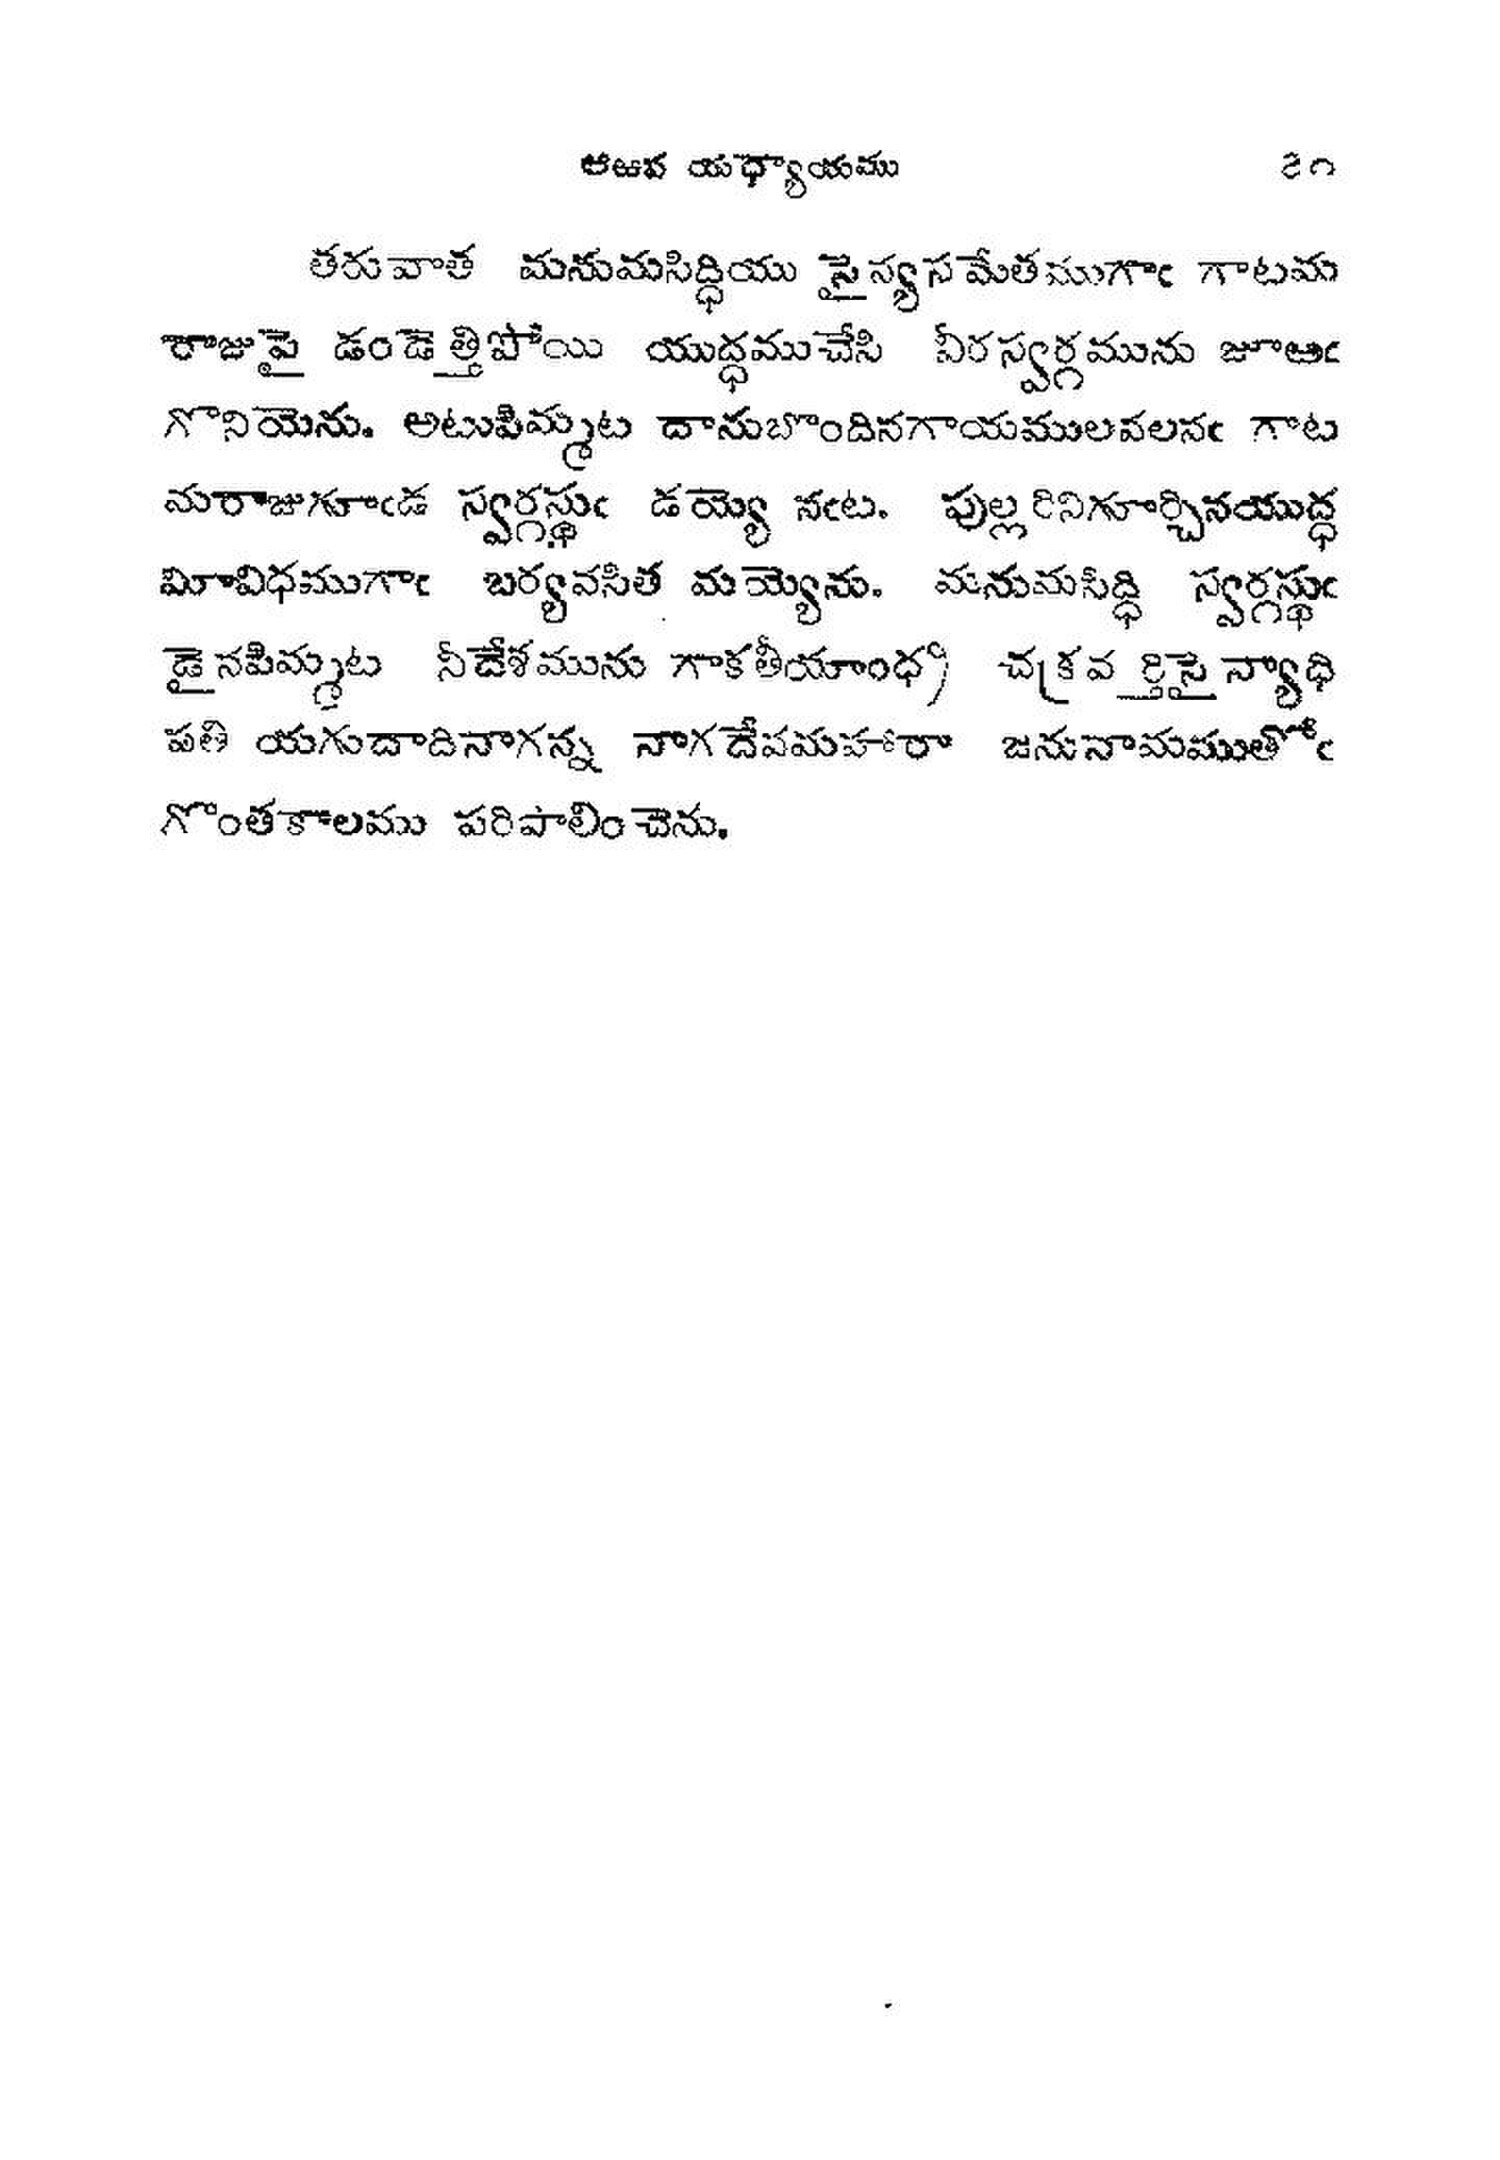తరువాత మనుమసిద్ధియు సైన్యసమేతముగాఁ గాటమ రాజుపై డండెత్తిపోయి యుద్ధముచేసి వీరస్వర్గమును జూఱఁ గొనియెను. అటుపిమ్మట దానుబొందినగాయములవలనఁ గాటమరాజుగూఁడ స్వర్గస్థుఁ డయ్యె నఁట. పుల్లరినిగూర్చినయుద్ధ మీవిధముఁ బర్యవసిత మయ్యెను. మనునుసిద్ధి స్వర్గస్థుఁడైనపిమ్మట నీదేశమును గాకతీయాంధ్ర చక్రవర్తిసైన్యాధిపతి యగుదాదినాగన్న నాగదేవమహారా జనునామముతో గొంతకాలము పరిపాలించెను.